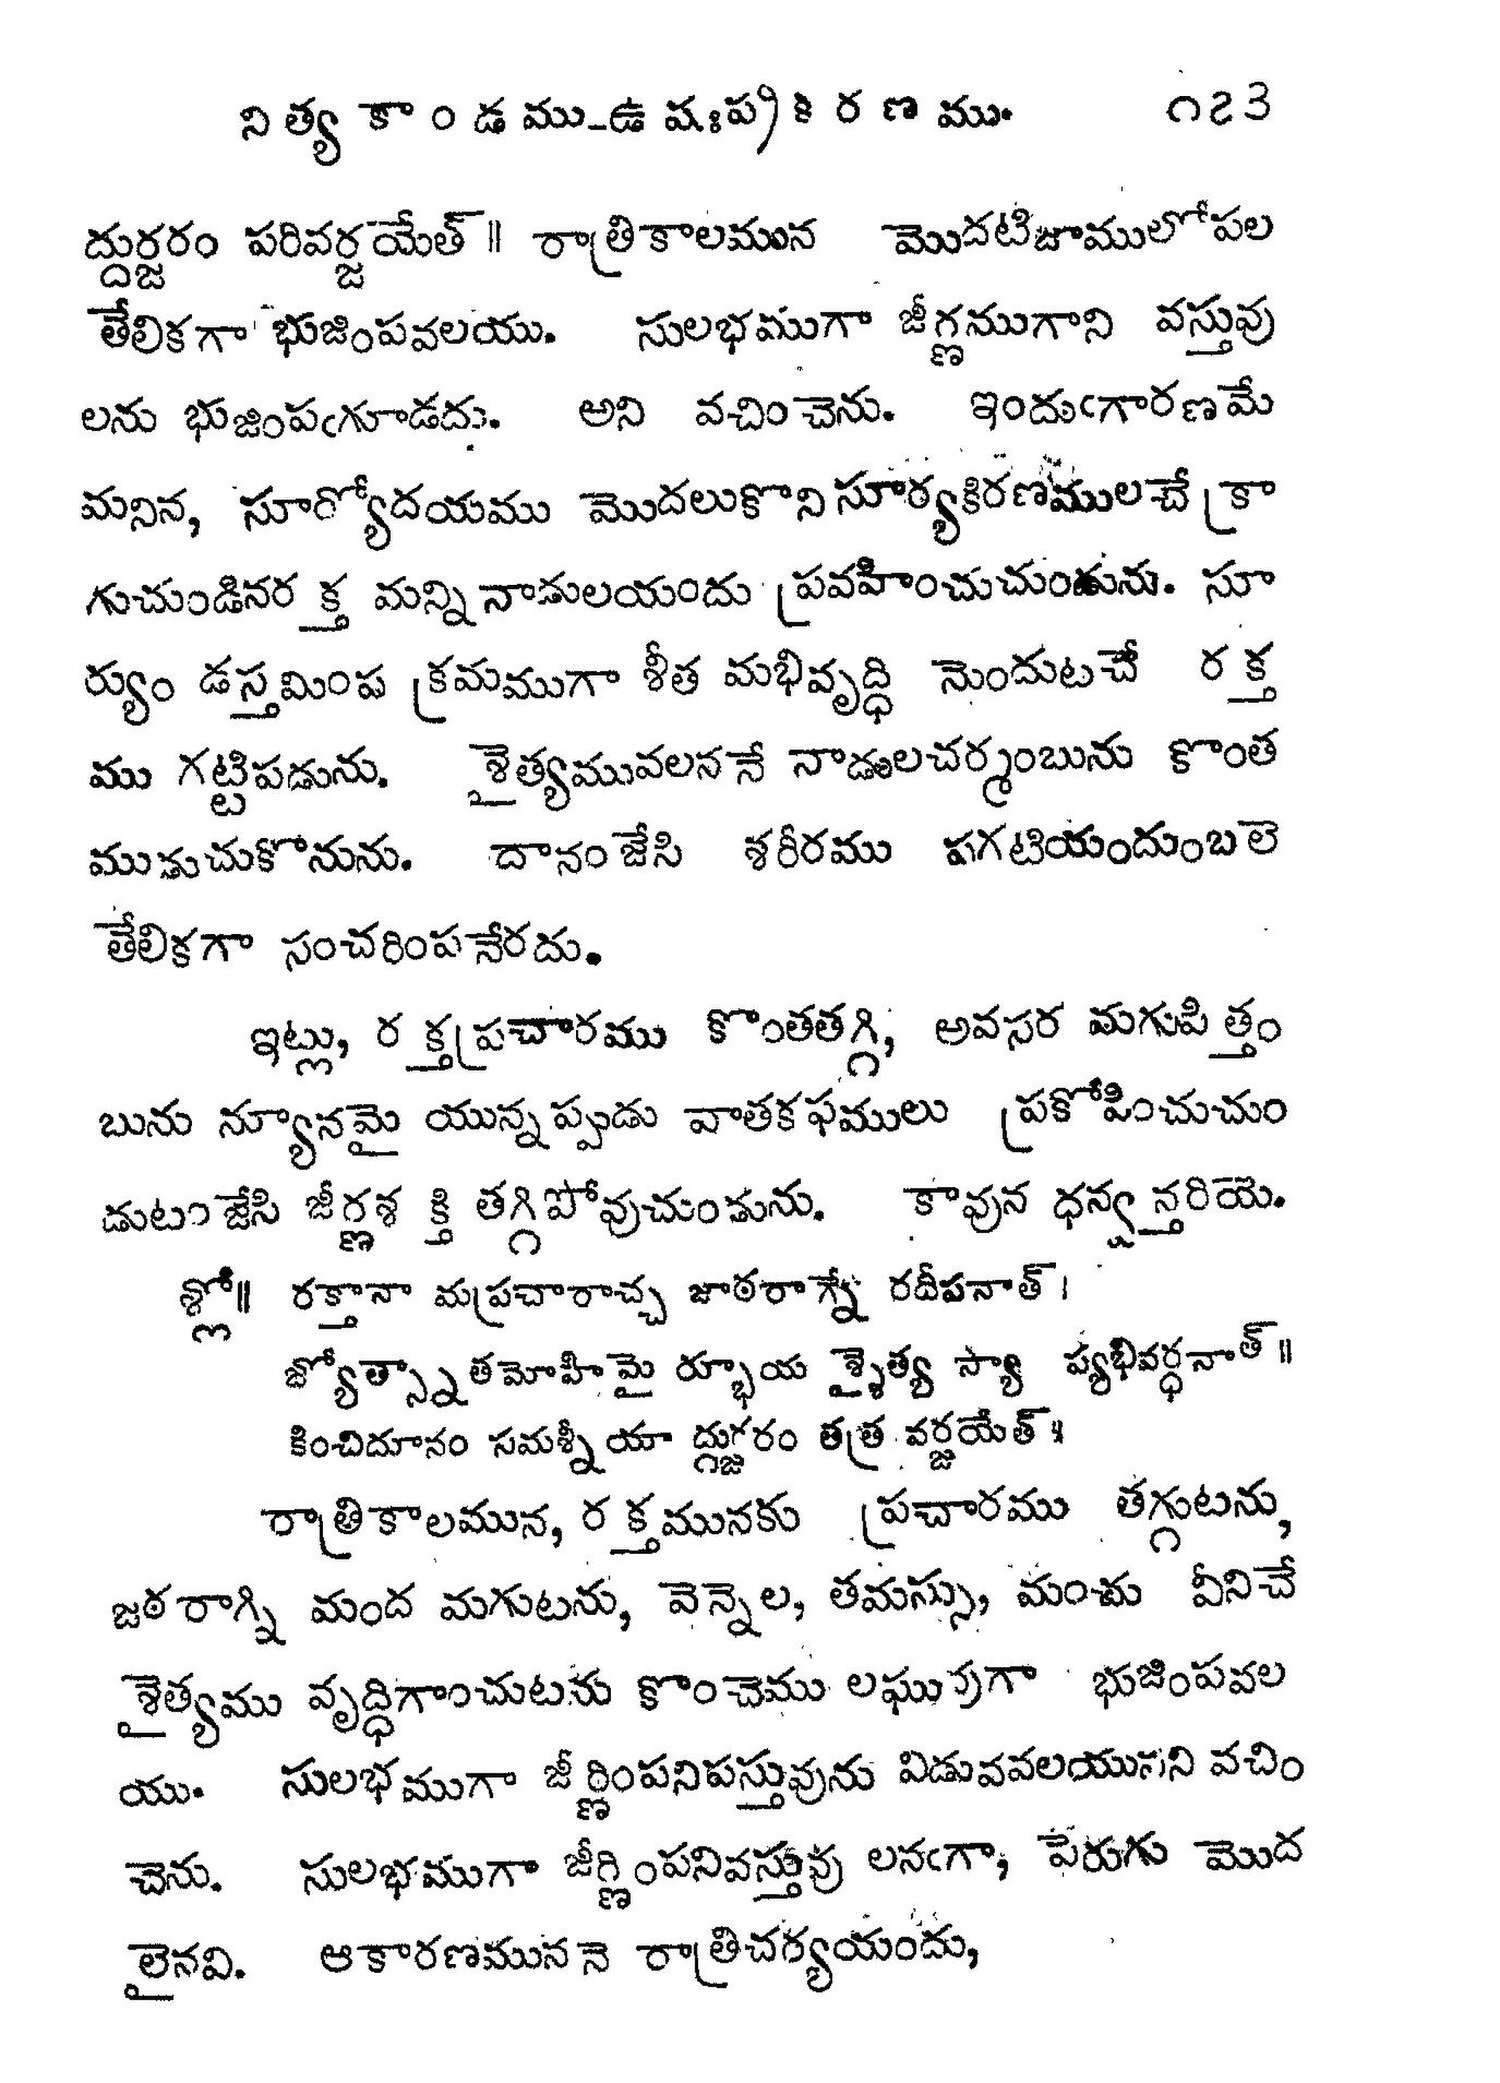ద్దుర్జరం పరివర్జయేత్॥ రాత్రికాలమున మొదటిజాములోపల తేలికగా భుజింపవలయు. సులభముగా జీర్ణముగాని వస్తువులను భుజింపఁగూడదు. అని వచించెను. ఇందుఁగారణమేమనిన, సూర్యోదయము మొదలుకొని సూర్యకిరణములచే క్రాగుచుండినరక్త మన్నినాడులయందు ప్రవహించుచుండును. సూర్యుం డస్తమింప క్రమముగా శీత మభివృద్ధి నొందుటచే రక్తము గట్టిపడును. శైత్యమువలననే నాడులచర్మంబును కొంత ముడుచుకొనును. దానంజేసి శరీరము పగటియందుంబలె తేలికగా సంచరింపనేరదు.

ఇట్లు, రక్తప్రచారము కొంతతగ్గి, అవసర మగుపిత్తంబును న్యూనమై యున్నప్పుడు వాతకఫములు ప్రకోపించుచుండుటంజేసి జీర్ణశక్తి తగ్గిపోవుచుండును. కావున ధన్వన్తరియె.

శ్లో॥ రక్తానా మప్రచారాచ్చ జాఠరాగ్నే రదీపనాత్ ।
 జ్యోత్స్నాతమోహిమై ర్భూయ శ్శైత్య స్యా ప్యభివర్ధనాత్ ॥
 కించిదూనం సమశ్నీయా ద్గుర్జరం తత్ర వర్జయేత్ ॥

రాత్రికాలమున, రక్తమునకు ప్రచారము తగ్గుటను, జఠరాగ్ని మంద మగుటను, వెన్నెల, తమస్సు, మంచు వీనిచే శైత్యము వృద్ధిగాంచుటను కొంచెము లఘువుగా భుజింపవలయు. సులభముగా జీర్ణింపనిపస్తువును విడువవలయునని వచించెను. సులభముగా జీర్ణింపనివస్తువు లనఁగా, పెరుగు మొదలైనవి. 
ఆకారణముననె రాత్రిచర్యయందు,